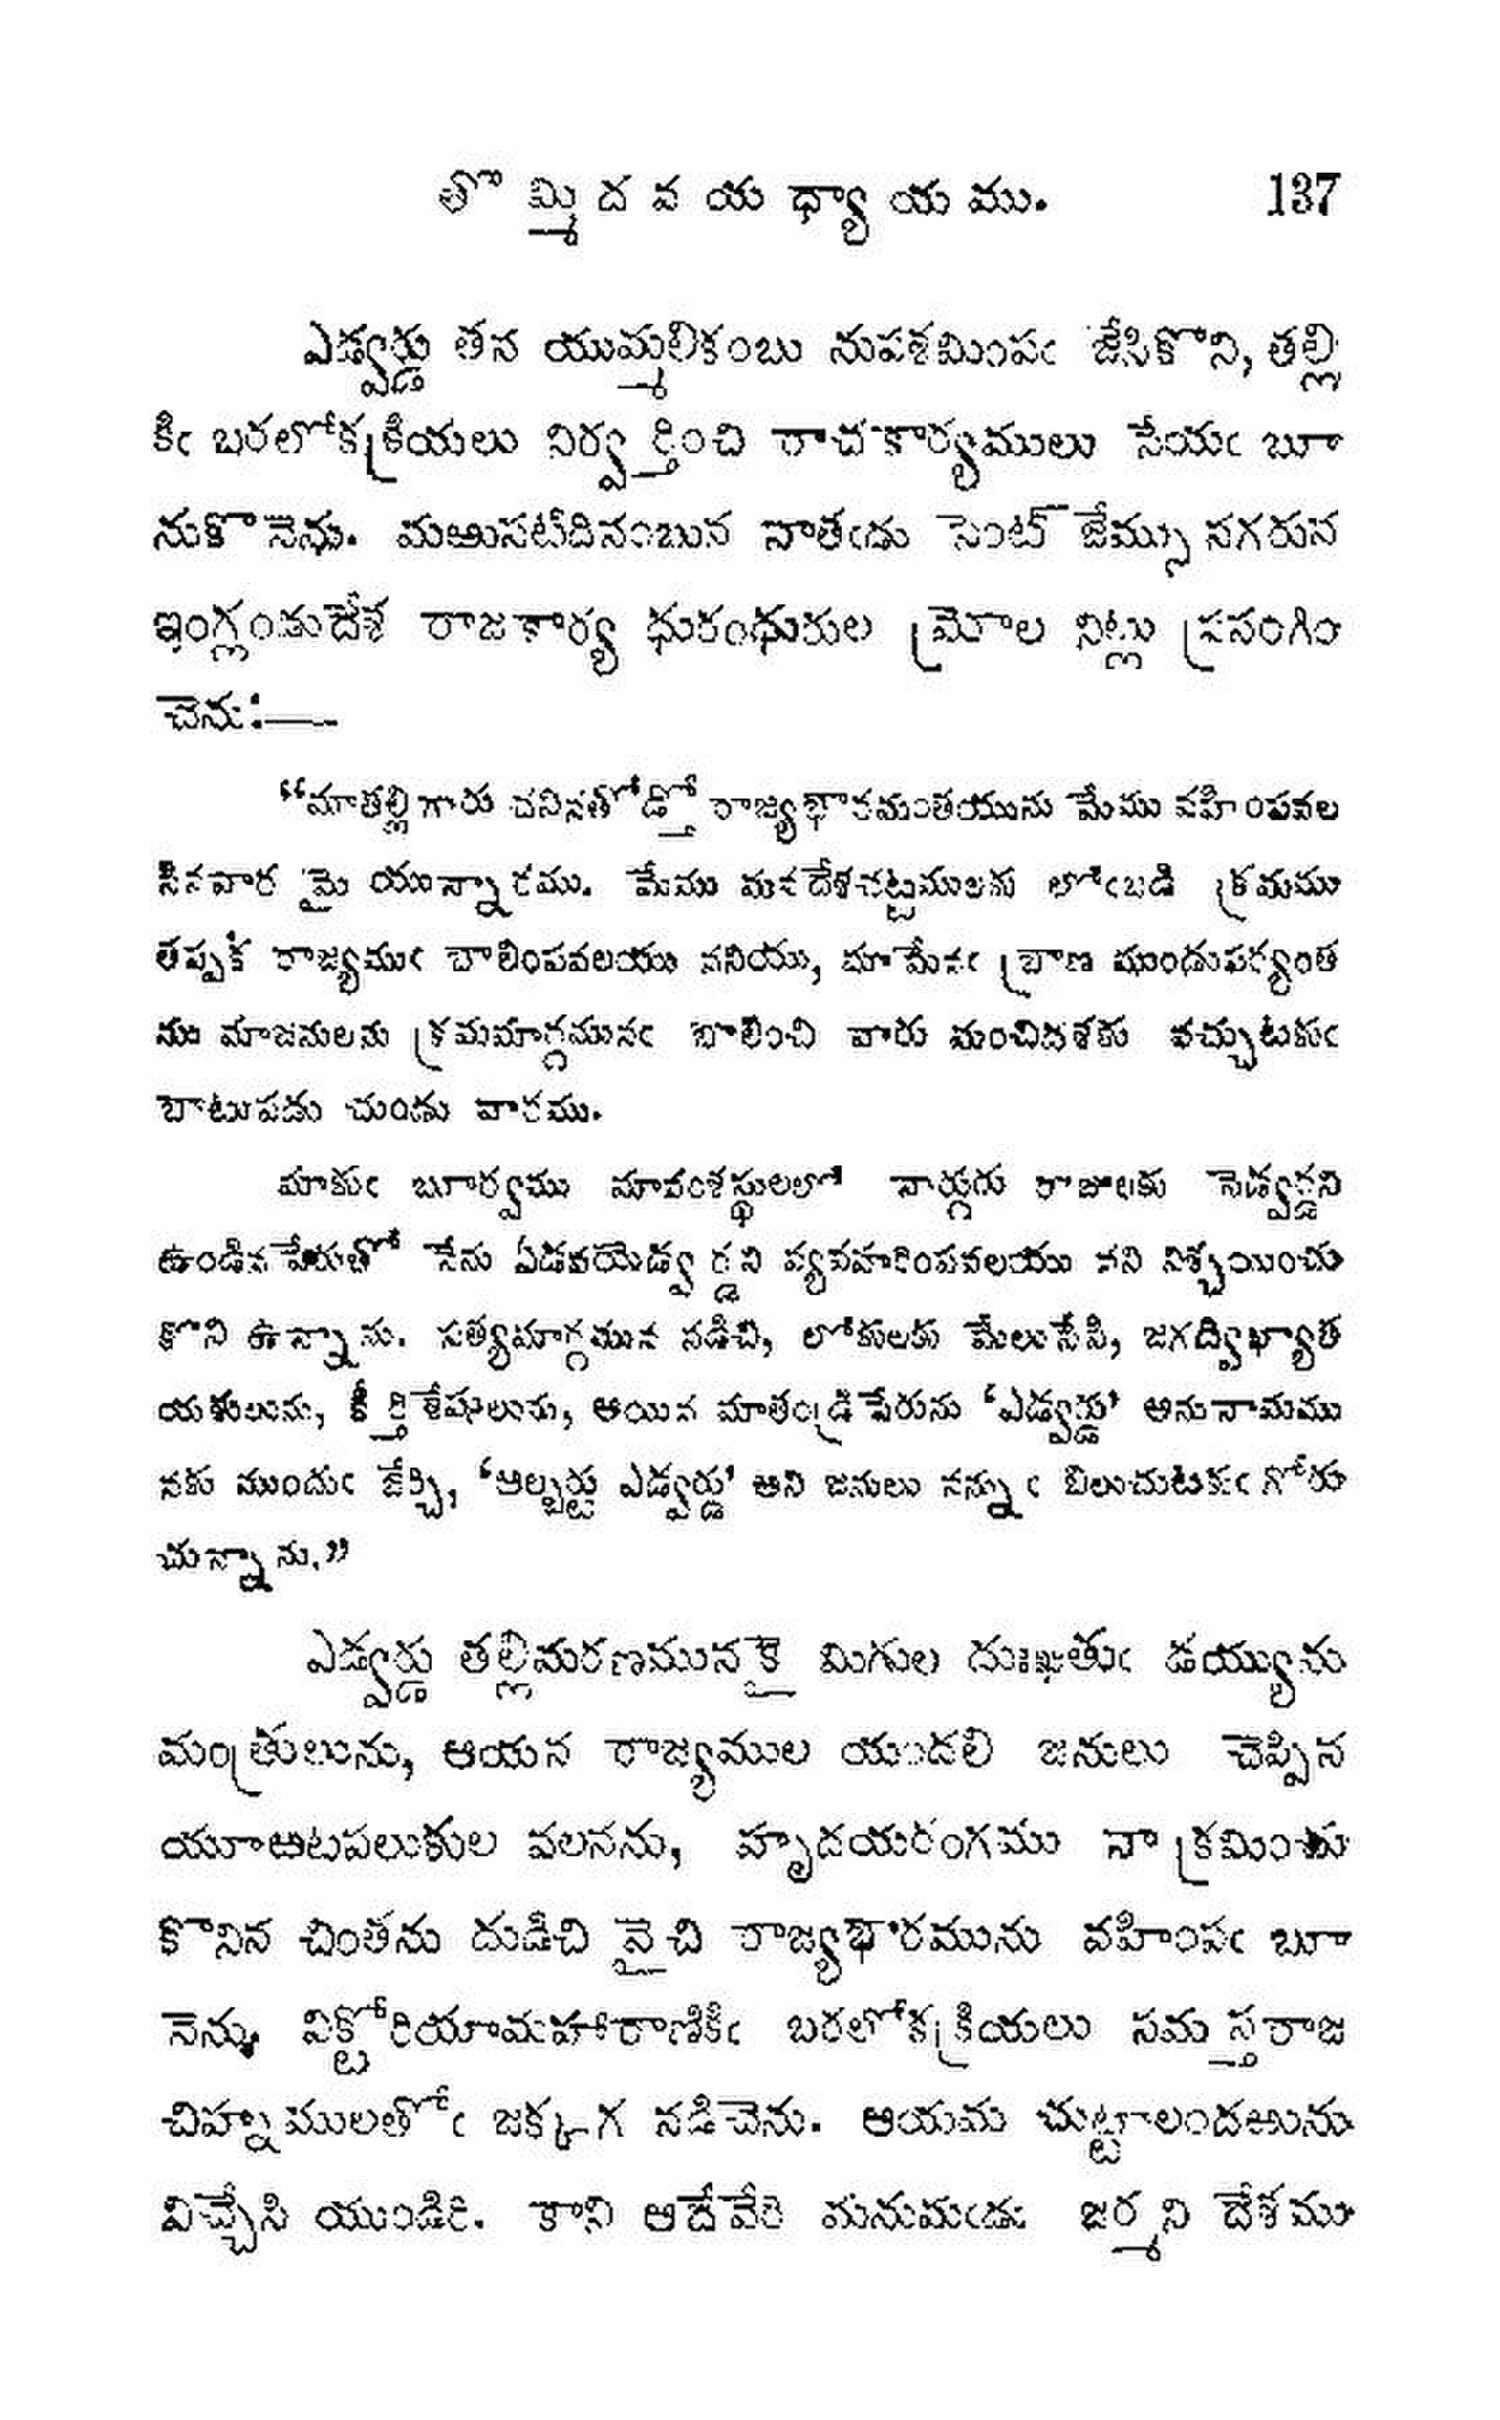ఎడ్వర్డు తన యుమ్మిలికంబు నుపశమింపఁ జేసికొని, తల్లి కిఁ బరలోక క్రియలు నిర్వర్తించి రాచ కార్యములు సేయఁ బూ నుకొనెను. మఱుసటి దినంబున నాతఁడు సెంట్ జేమ్సు నగరుస ఇంగ్లండు దేశ రాజ కార్య ధురంధురుల మ్రోల నిట్లు ప్రసంగించెను........

“మాతల్లి గారు చనిన తోడ్తో రాజ్య భారనుంతయును మేము వహింపవల సినవార 'మై యున్నారము. మేము మన దేశ చట్టములకు లోబడి క్రమము తప్పక రాజ్యముఁ బాలింపవలయు ననియు, మా మేన బ్రాణ ముండు పర్యంతము. మాజనులను క్రమమార్గమును బాలించి వారు మంచిదిశకు వచ్చుటకు బాటుపడు చుండు వారము.

మాకుఁ బూర్వము మావంశస్థులలో నార్గురు రాజులకు నెడ్వెర్డని ఉండిన పేరుతో "నేను ఏడవయేడ్వడ్డని వ్యవహరింపవలయు నని నిశ్చయించు కొని ఉన్నాను. సత్యమార్గమున నడిచి, లోకులకు మేలు సేపి, జగద్విఖ్యాత యశులను, కీర్తి శేషులును, అయిన మాతండ్రి పేరును 'ఎడ్వర్డు' అను నామము నకు ముందుఁ జేర్చి, “ఆల్బర్టు ఎడ్వర్డు' అని జనులు నన్నుబిలు చుటకుఁ గోరు చున్నాను,

ఎడ్వర్డు తల్లి మరణమున కై మిగుల దుఃఖతుఁ డయ్యును మంత్రులును, ఆయన రాజ్యముల యందలి జనులు చెప్పిన యూఱట పలుకుల వలనను, హృదయరంగము నా క్రమించు కొనిన చింతను దుడిచి నైచి రాజ్యభారమును వహింపఁ బూ నెను వీక్టోరియా మహారాణికిఁ బరలోక క్రియలు సమ స్తరాజ చిహ్నములతోఁ జక్కగ నడిచెను. ఆయమ చుట్టాలందఱును విచ్చేసి యుండిరి. కాని అదేవేరి మనుమడు జర్మని దేశము